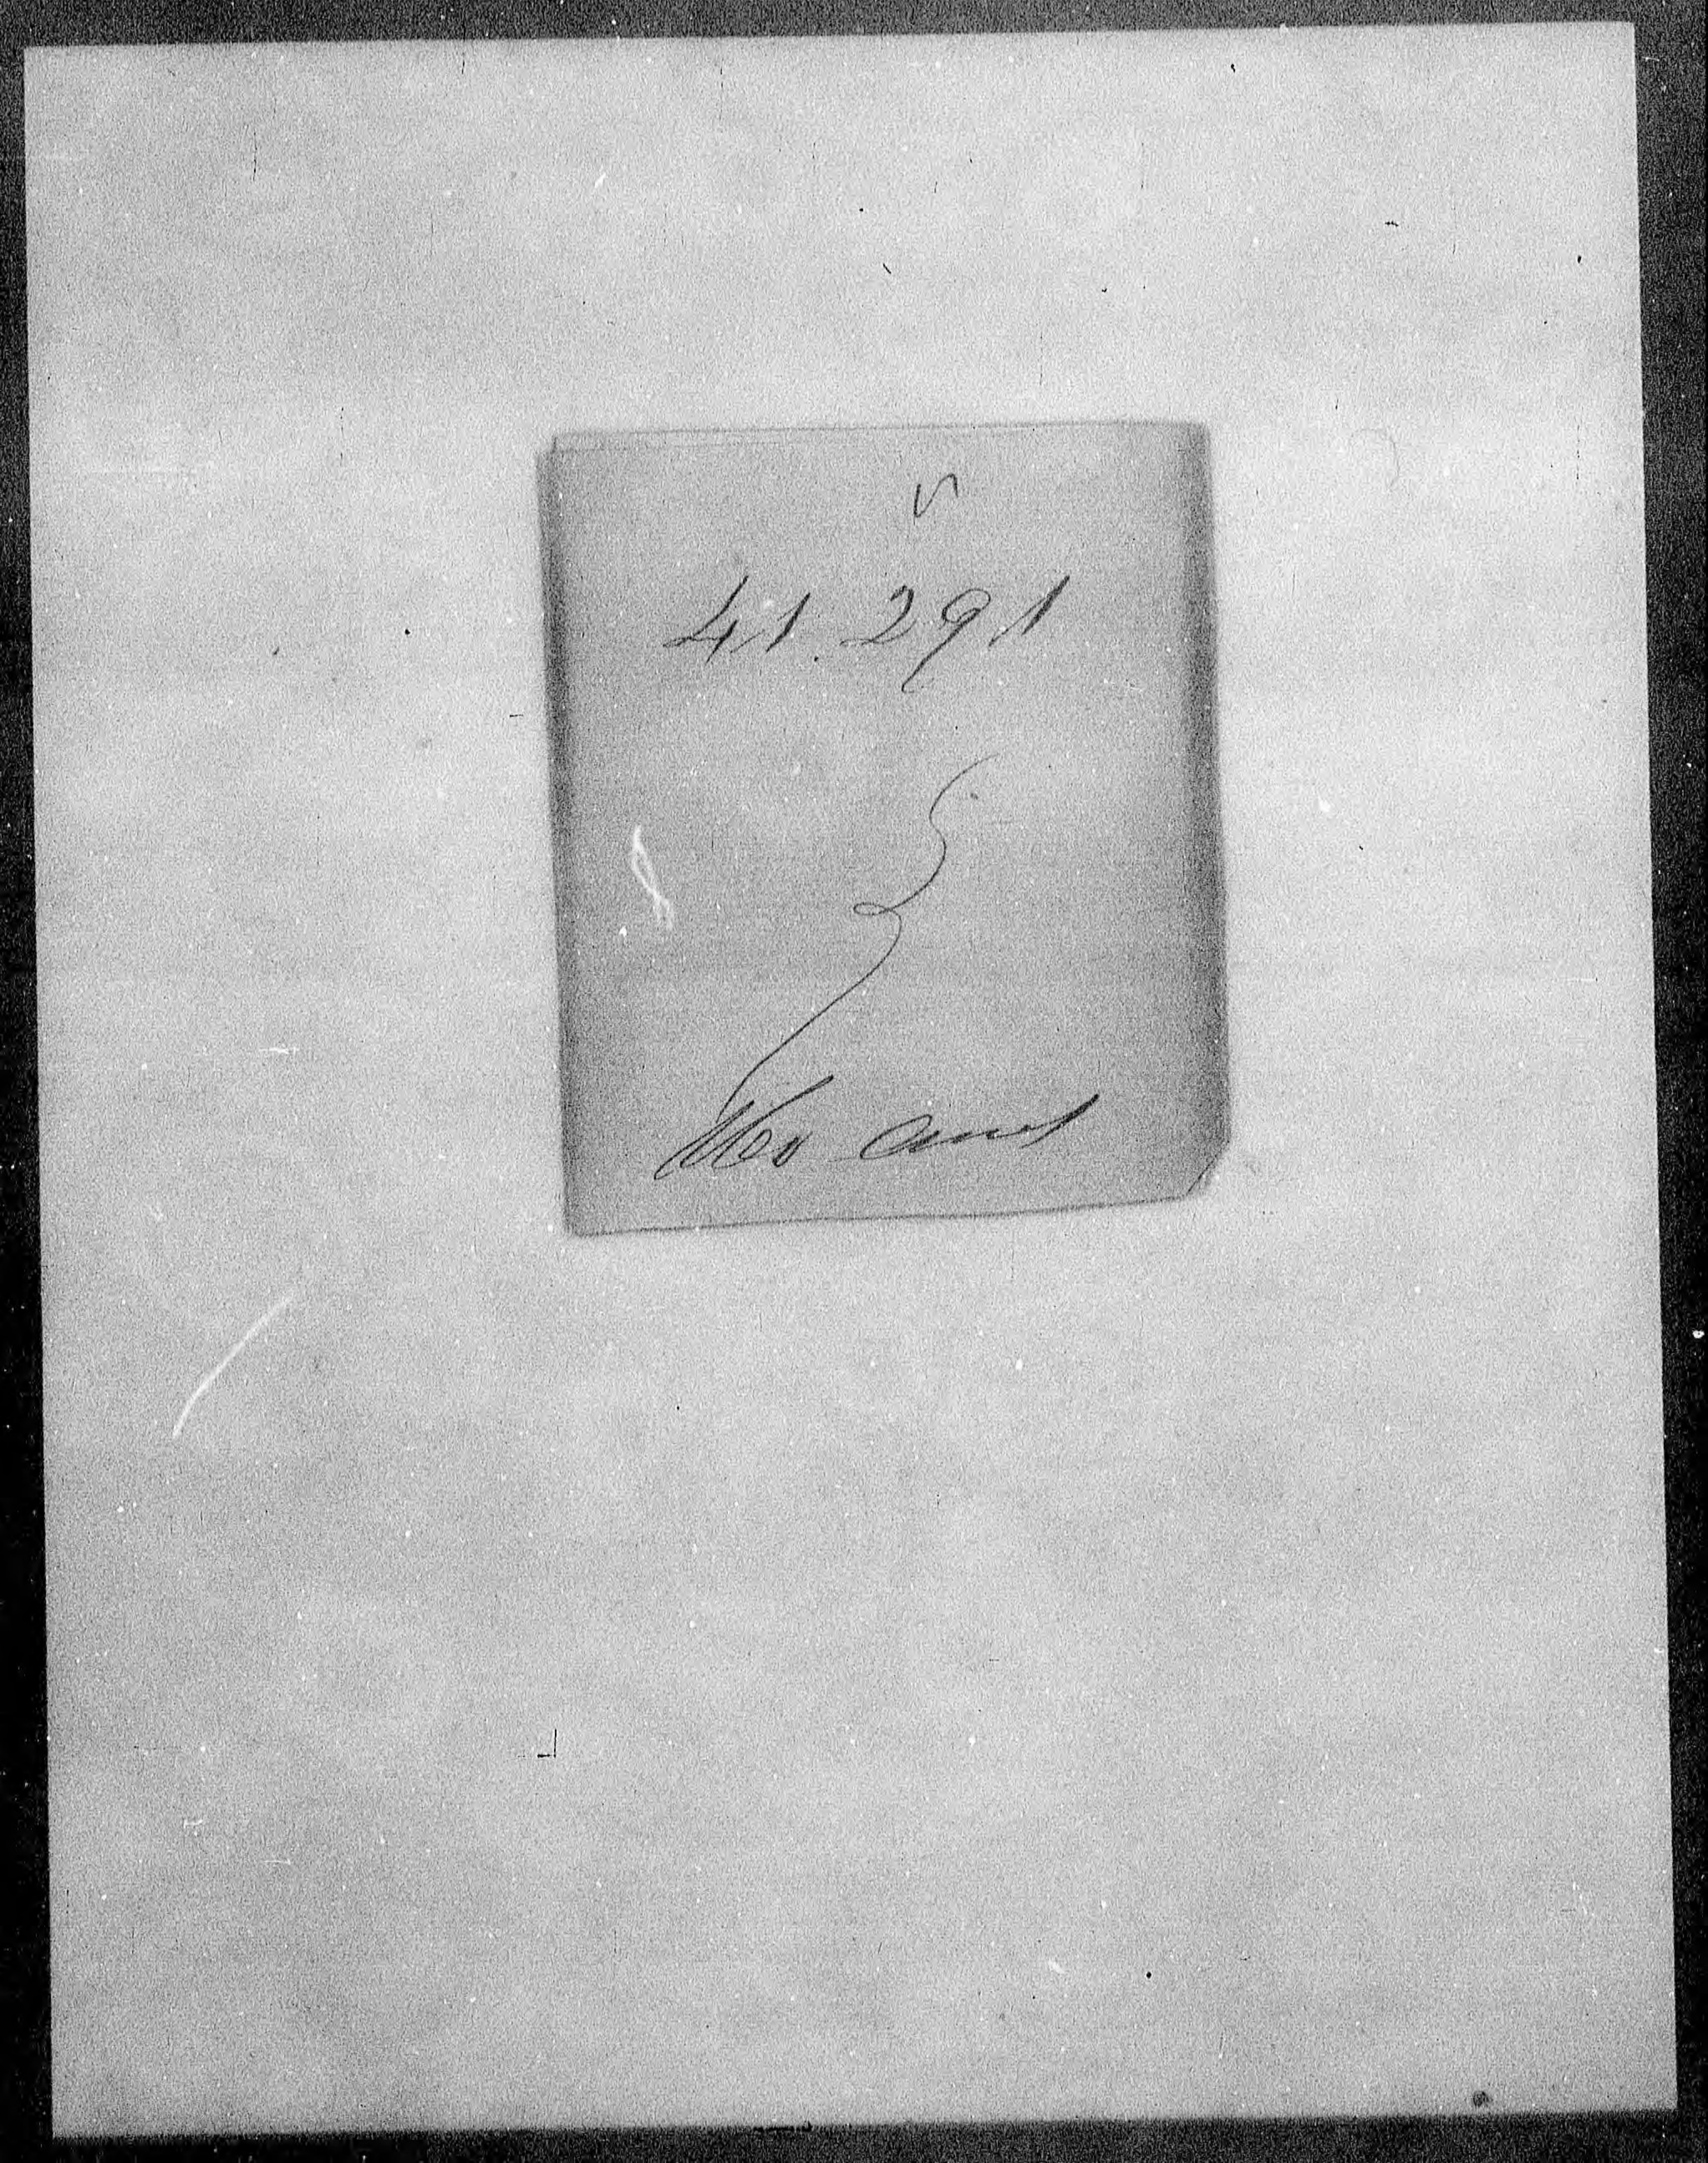v
Sept 29th

S [or a fancy squiggle]

[illegible signature perhaps]
Mrs. A....[?]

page: 26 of 45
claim: widow's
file: W. 26160, for Thomas C Jones, Georgia